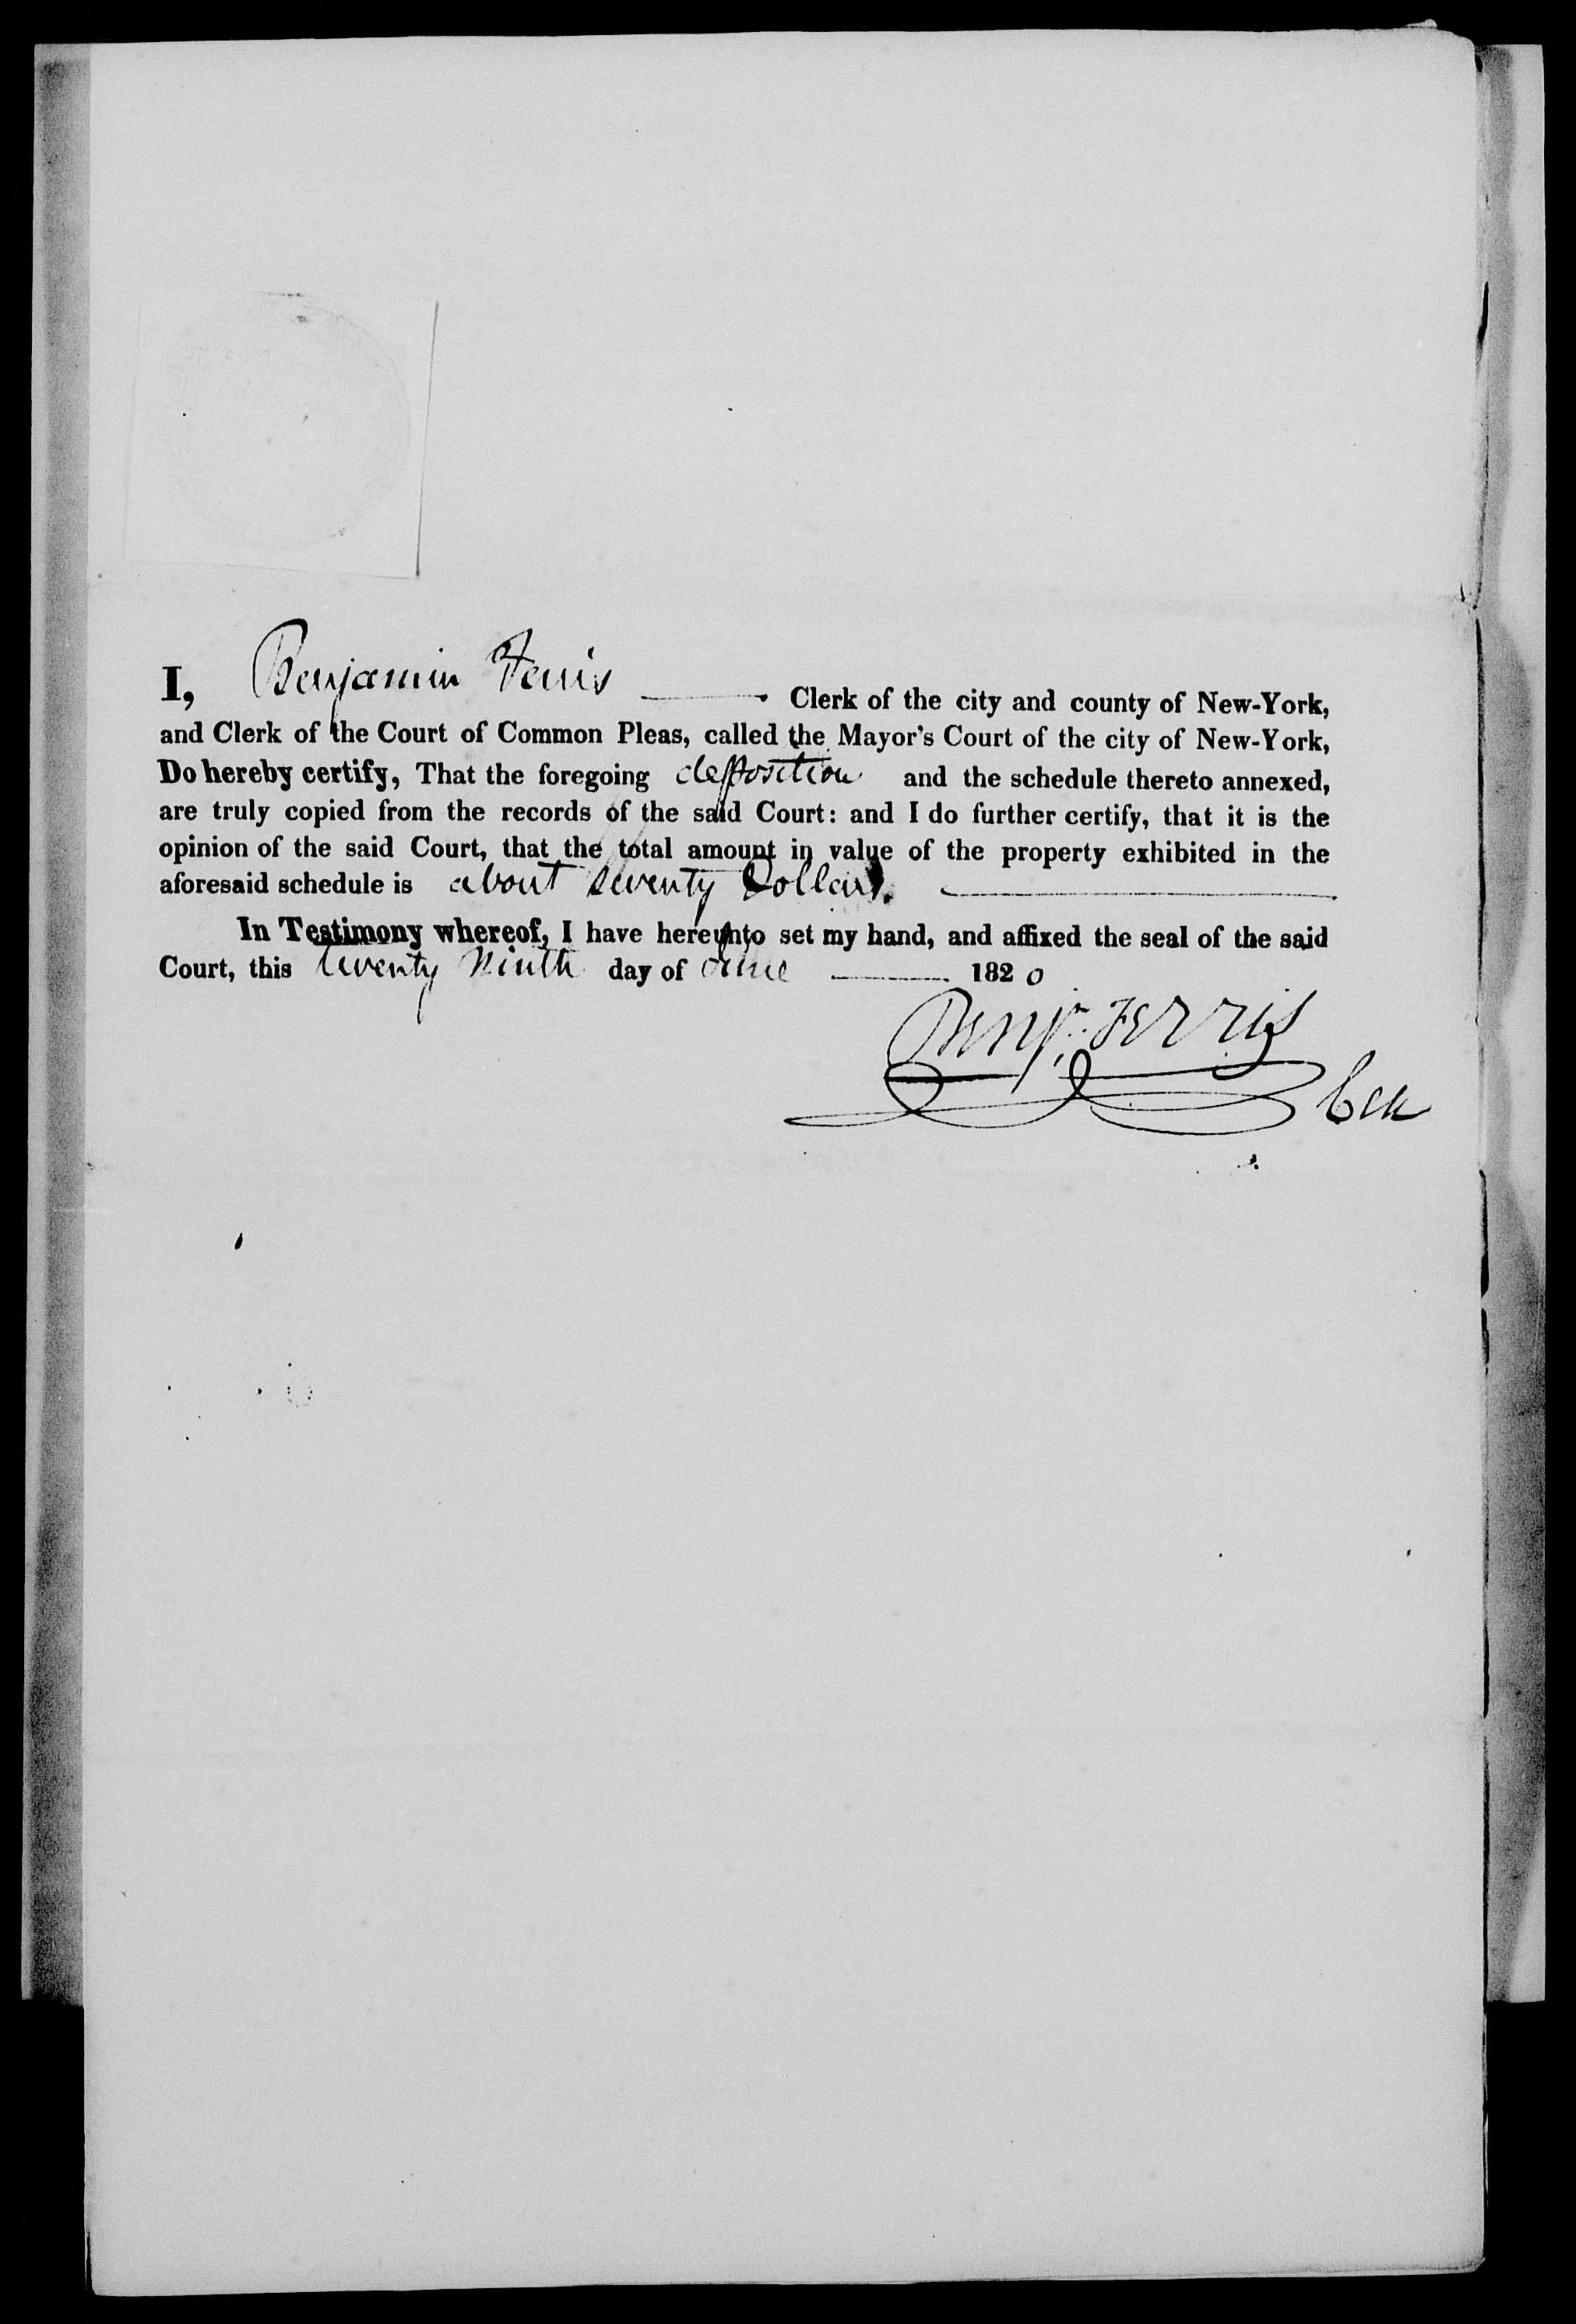I, [handwritten Benjamin Ferris] Clerk of the city and county of New-York, and Clerk of the Court of Common Pleas, called the Mayor's Court of the city of New-York, Do hereby certify, That the foregoing [handwritten deposition] and the schedule thereto annexed, are truly copied from the records of the said Court: and I do further certify, that it is the opinion of the said Court, that the total amount in value of the property exhibited in the aforesaid schedule is [handwritten about Seventy dollars.] 

In Testimony whereof, I have hereunto set my hand, and affixed the seal of the said Court, this [handwritten twenty ninth] day of [handwritten June 182[handwritten 0] 

Benj. Ferris 
Crk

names: Benjamin Ferris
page: 7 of 39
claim: survivor's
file: S. 23802, for James Miner, Connecticut